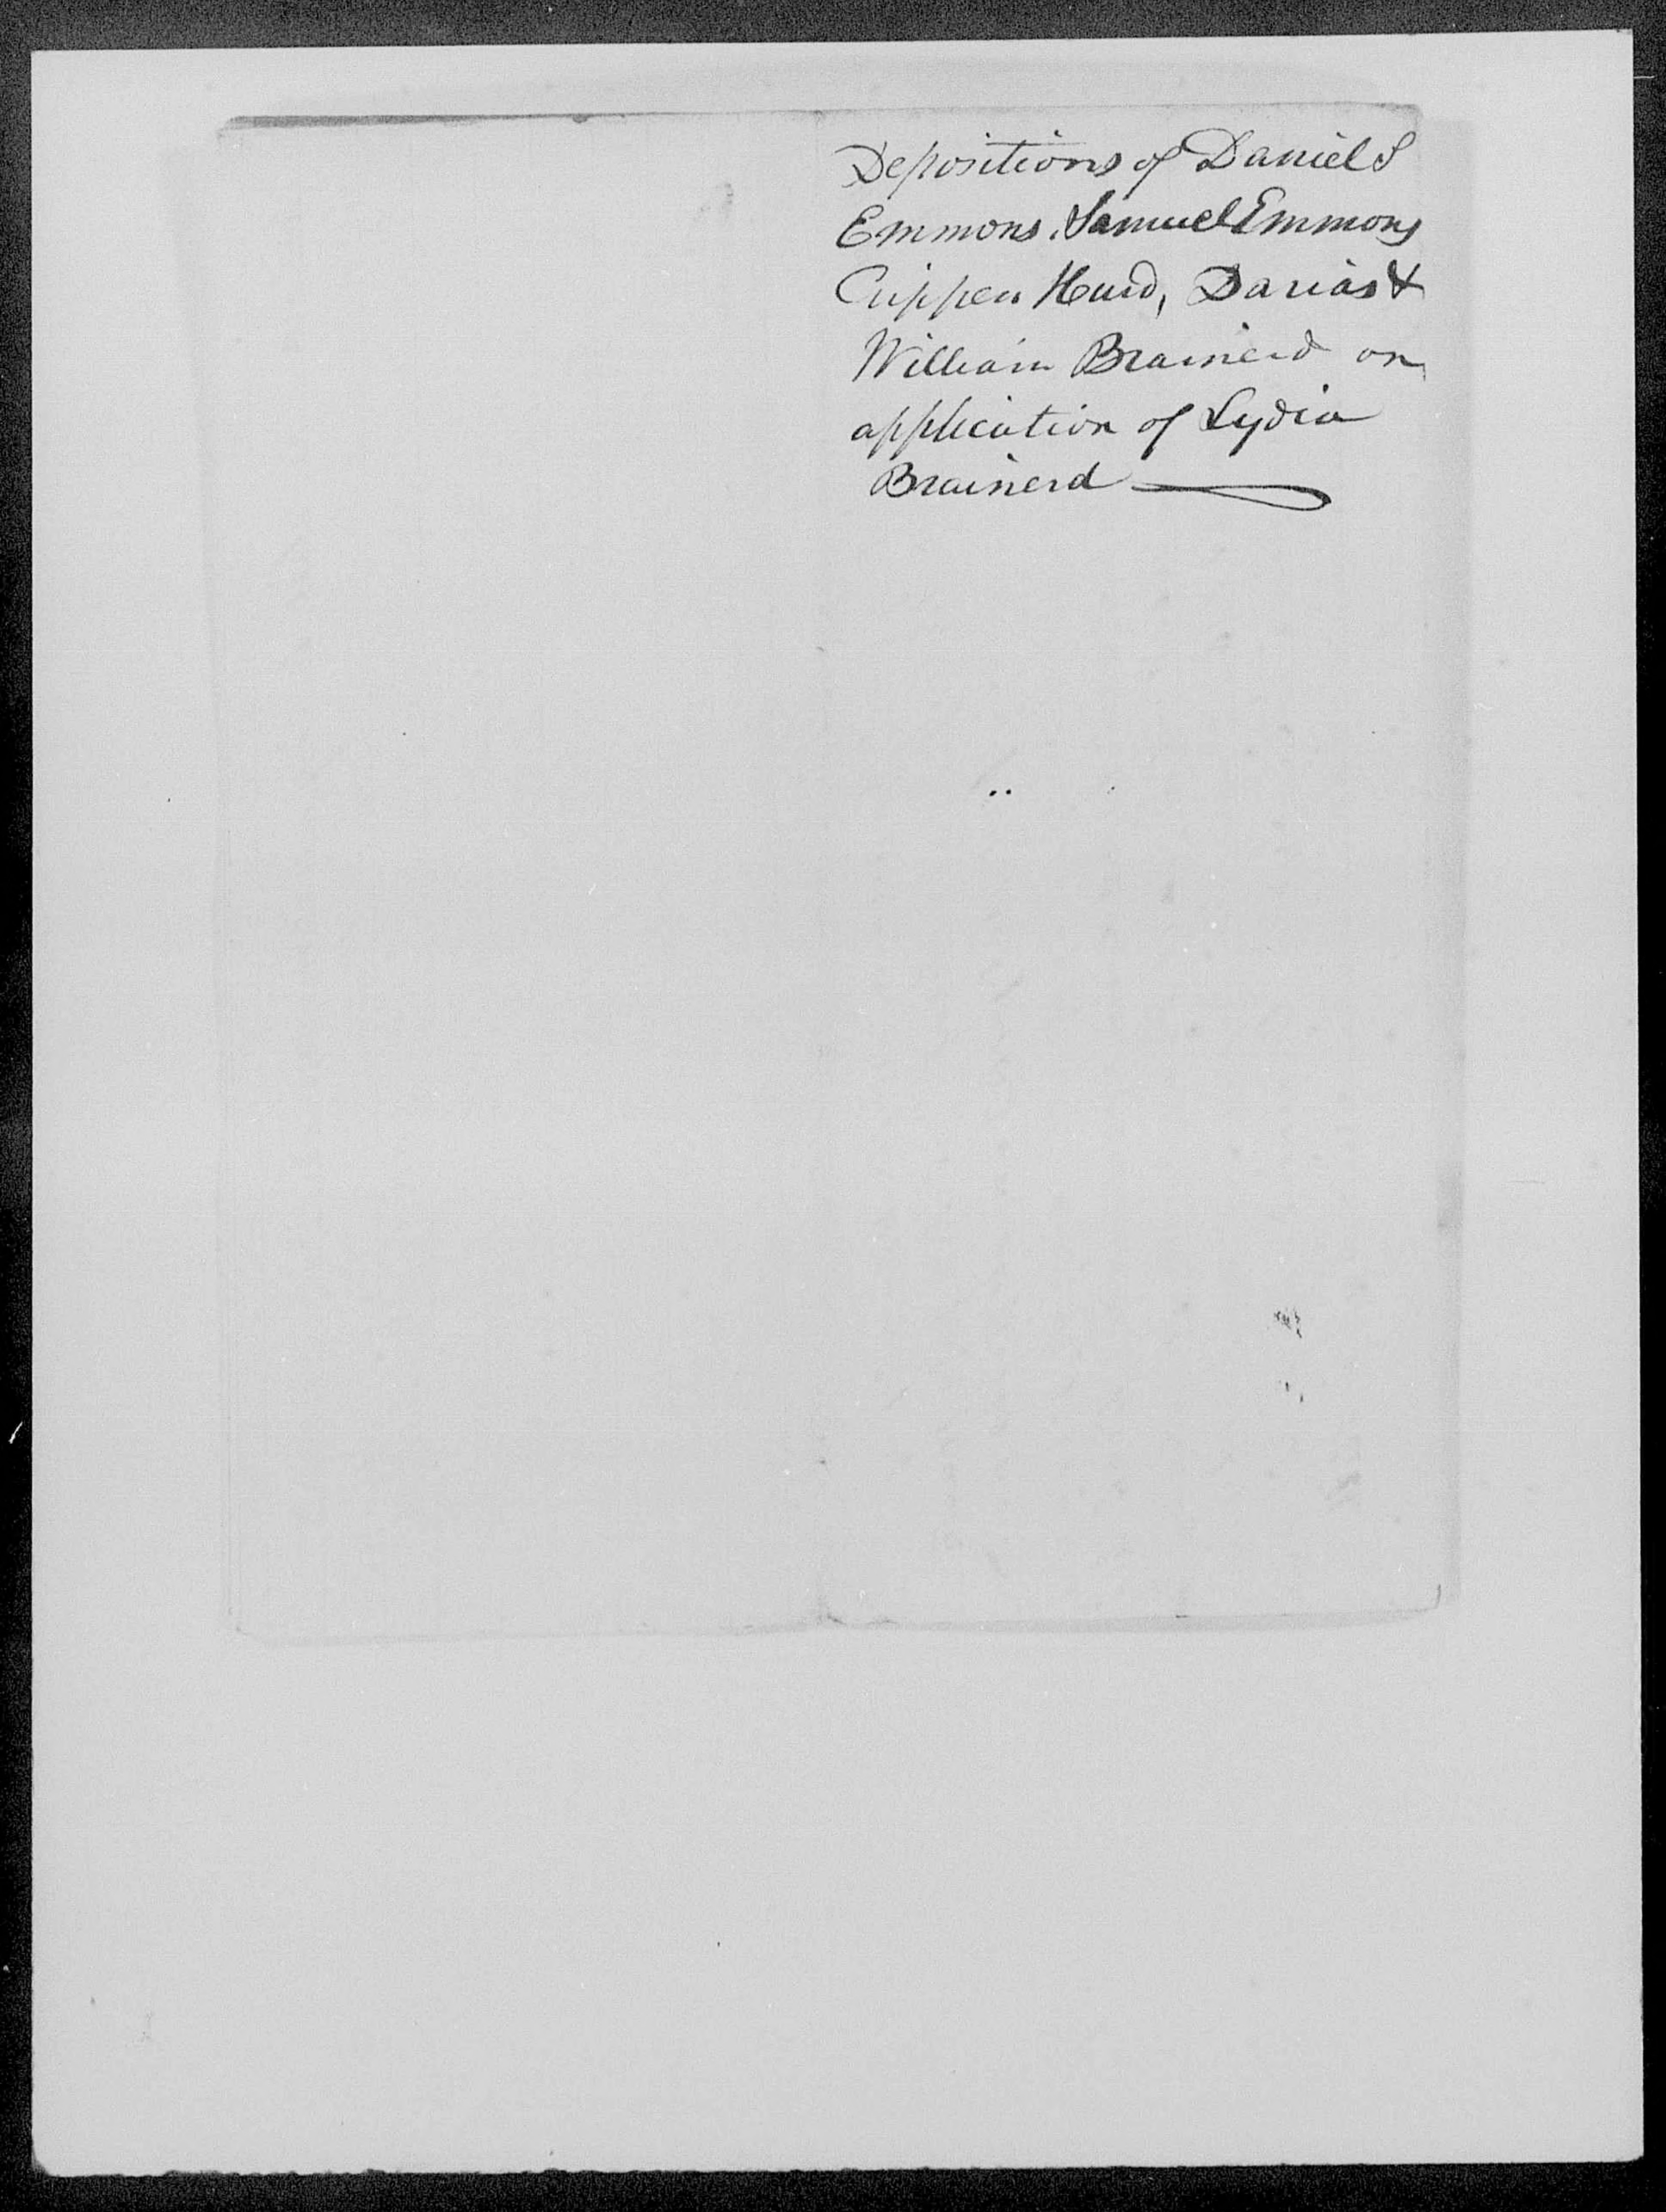Depositions of Daniel S Emmons, Samuel Emmons, Crippen Hurd, Darias & William Brainerd on application of Lydia Brainerd [Brainard]-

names: Lydia Brainerd, Daniel S Emmons, William Brainerd, Samuel Emmons, Darias Brainerd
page: 20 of 25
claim: widow's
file: W. 23,671, Bezaleel Brainard, Conn.